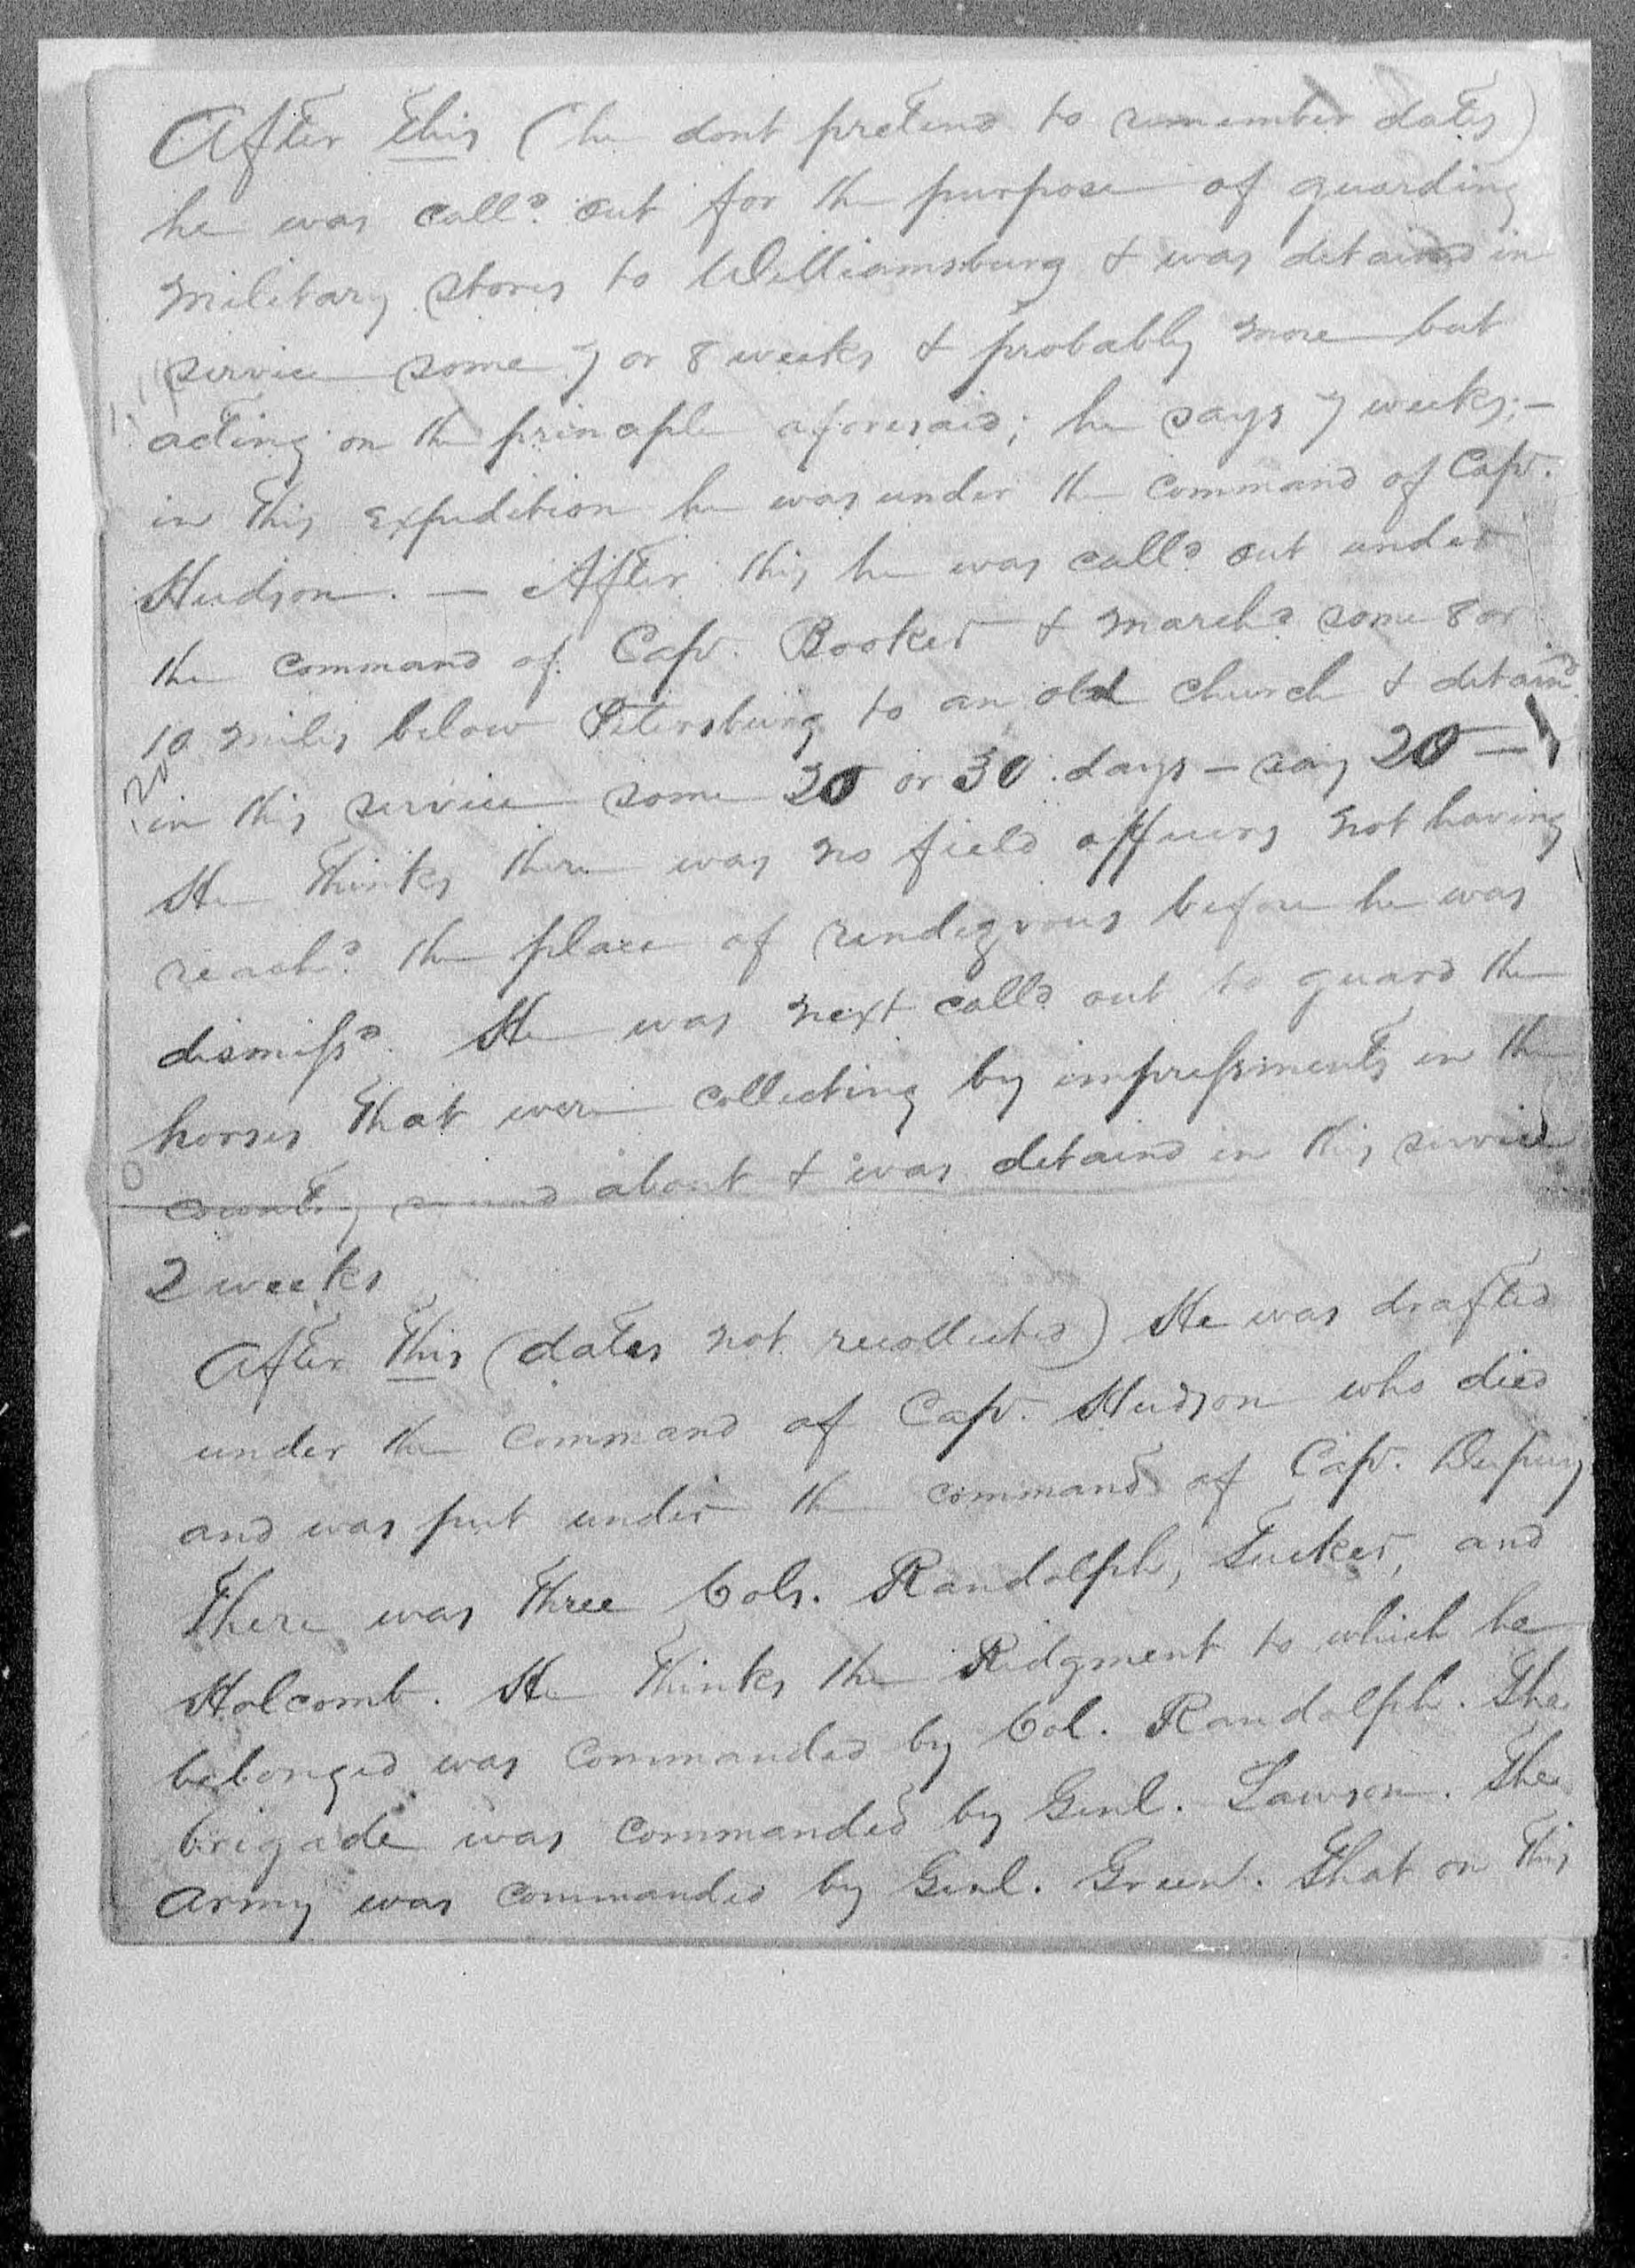After this (he dont pretend to remember dates)
he was called out for the purpose of guarding
military stores to Williamsburg & was detained in service some, or 8 weeks & probably more but adding on the principle aforesaid; he says 7 weeks;-in this expedition he was under the command of Capt.Hudson - After this he was called out and the command of Capt. Booker & marched some 8 or 10 miles below [illegible] to an old Church & detained in this service some 20 or 30 days- say 20-he thinks there was no field officers not having reached the place of rendezvous before he was dismissed. He was next called out to guard the horses that were collecting by impressments on the [illegible] about & was detained in this service 2 weeks. After this (dates not recollect) He was drafted under the command of Cap Hudson who died and was put under the command of Capt. Deputy. There was three Cols. Randolph, Tucker and Holcomb. He thinks the Judgment to which he belonged was commanded by Col. Randolph. The brigade was commanded by Gen Lawson The Army was commanded by Gen Green. That on this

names: Hudson, Green, Holcomb, Randolph, Lawson, Randolph, Booker, Hudson, Tucker, Dupuy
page: 3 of 25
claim: rejected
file: R. 1929, Robert Childress, Va